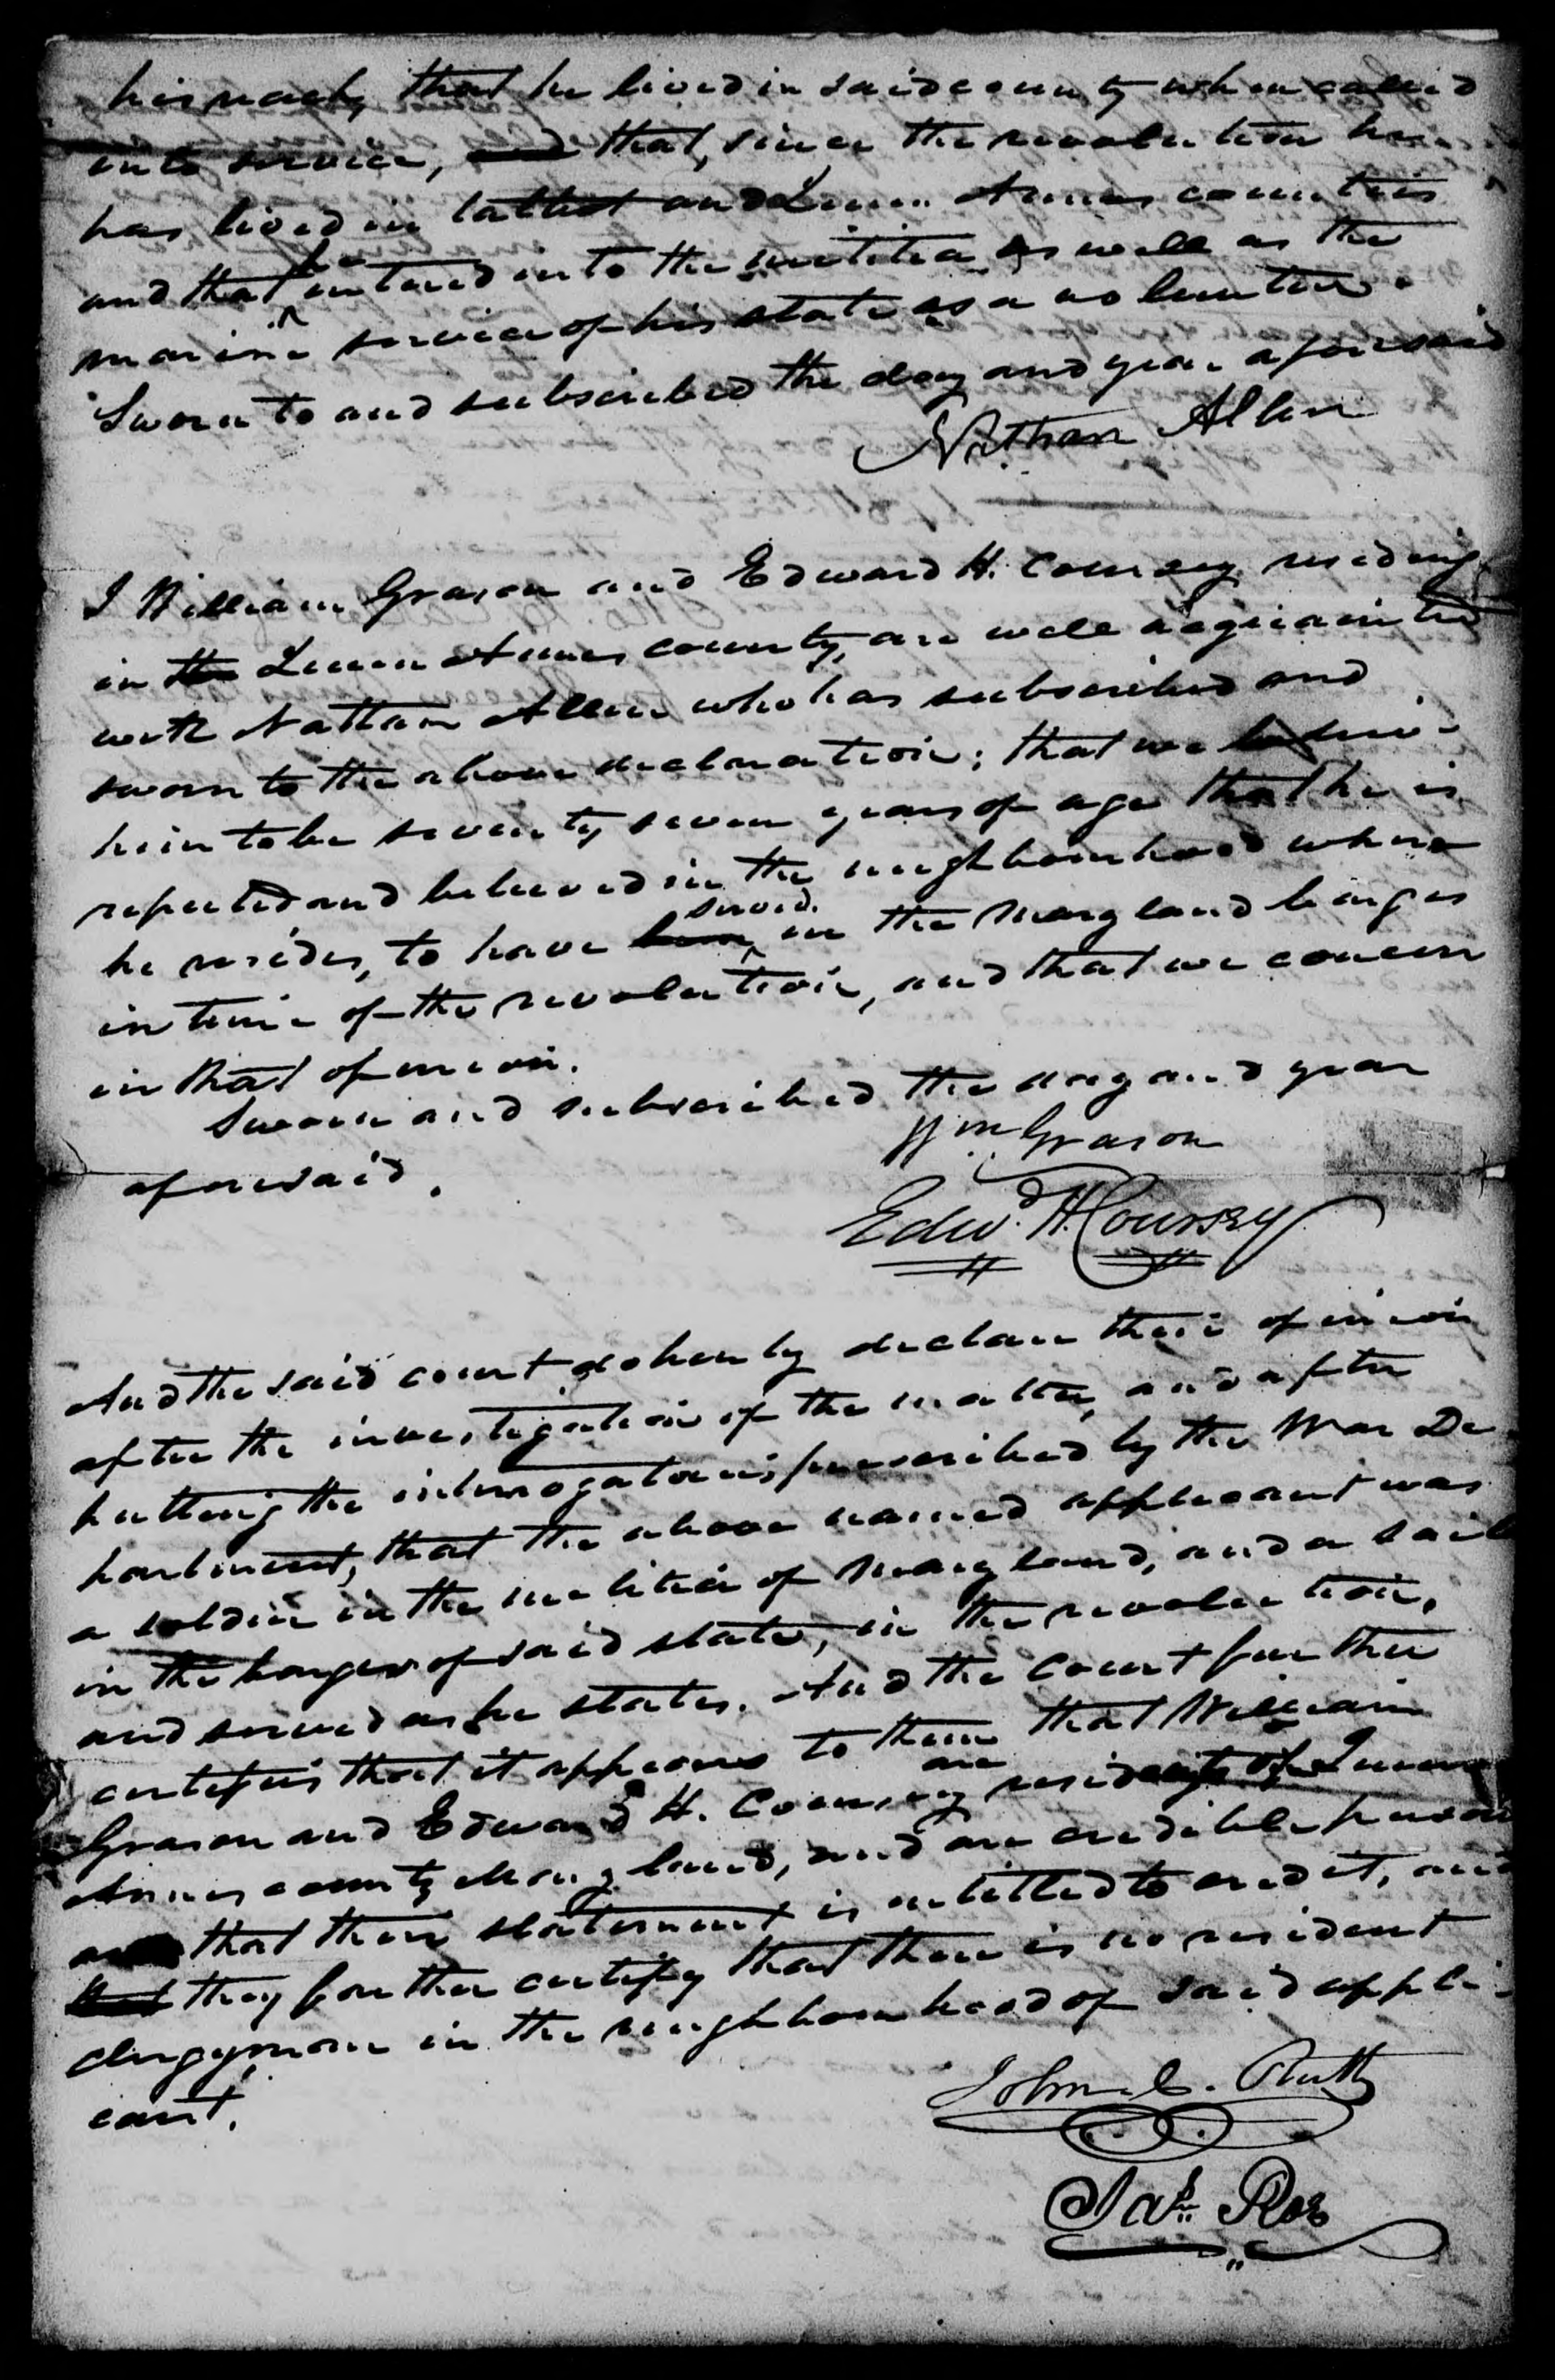him that he lived in said county when called into service, that since the revolution he has lived in Queen Annes County and that I entered into the militia as well as the marine service of his state as mentioned. Sworn to and subscribe the day and year aforesaid.

Nathan Allen

I William Grason and Edward H Coursey residing in the Queen Anne's county are well acquainted with Nathan Allen who has subscribed and sworn to the above declaration; that we believe him to be seventy-seven years of age, that he is respected and believed in the neighborhood where he resides to have served in the Maryland barges in time of the revolution and that we concur in that opinion.

Sworn and subscribed the day and year aforesaid.

Wm Grason
Edw'd H Coursey

And the said court hereby declares their opinion after the investigation of the matter and after putting the interrogatories prescribed by the War Department that the above-named applicant was a soldier in the militia of Maryland and a sailor in the barges of said state in the revolution and served as he states. And the court further certifies that it appears to them that William Grason and Edward H Coursey are residents of Queen Annes County Maryland and are credible persons and that their statement is entitled to credit and they further certify that there is no resident clergyman in the neighborhood of said applicant.

John C Ruth 
Jas Roe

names: Edward H Comsey, John C Ruth, Nathan Allen, Wm Grason, William Grason, Nathan Allen, Jas Roe, Edwd H Comsey, William Grason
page: 6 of 14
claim: survivor's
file: S. 8,011, Nathan Allen, Md. And Sea Service